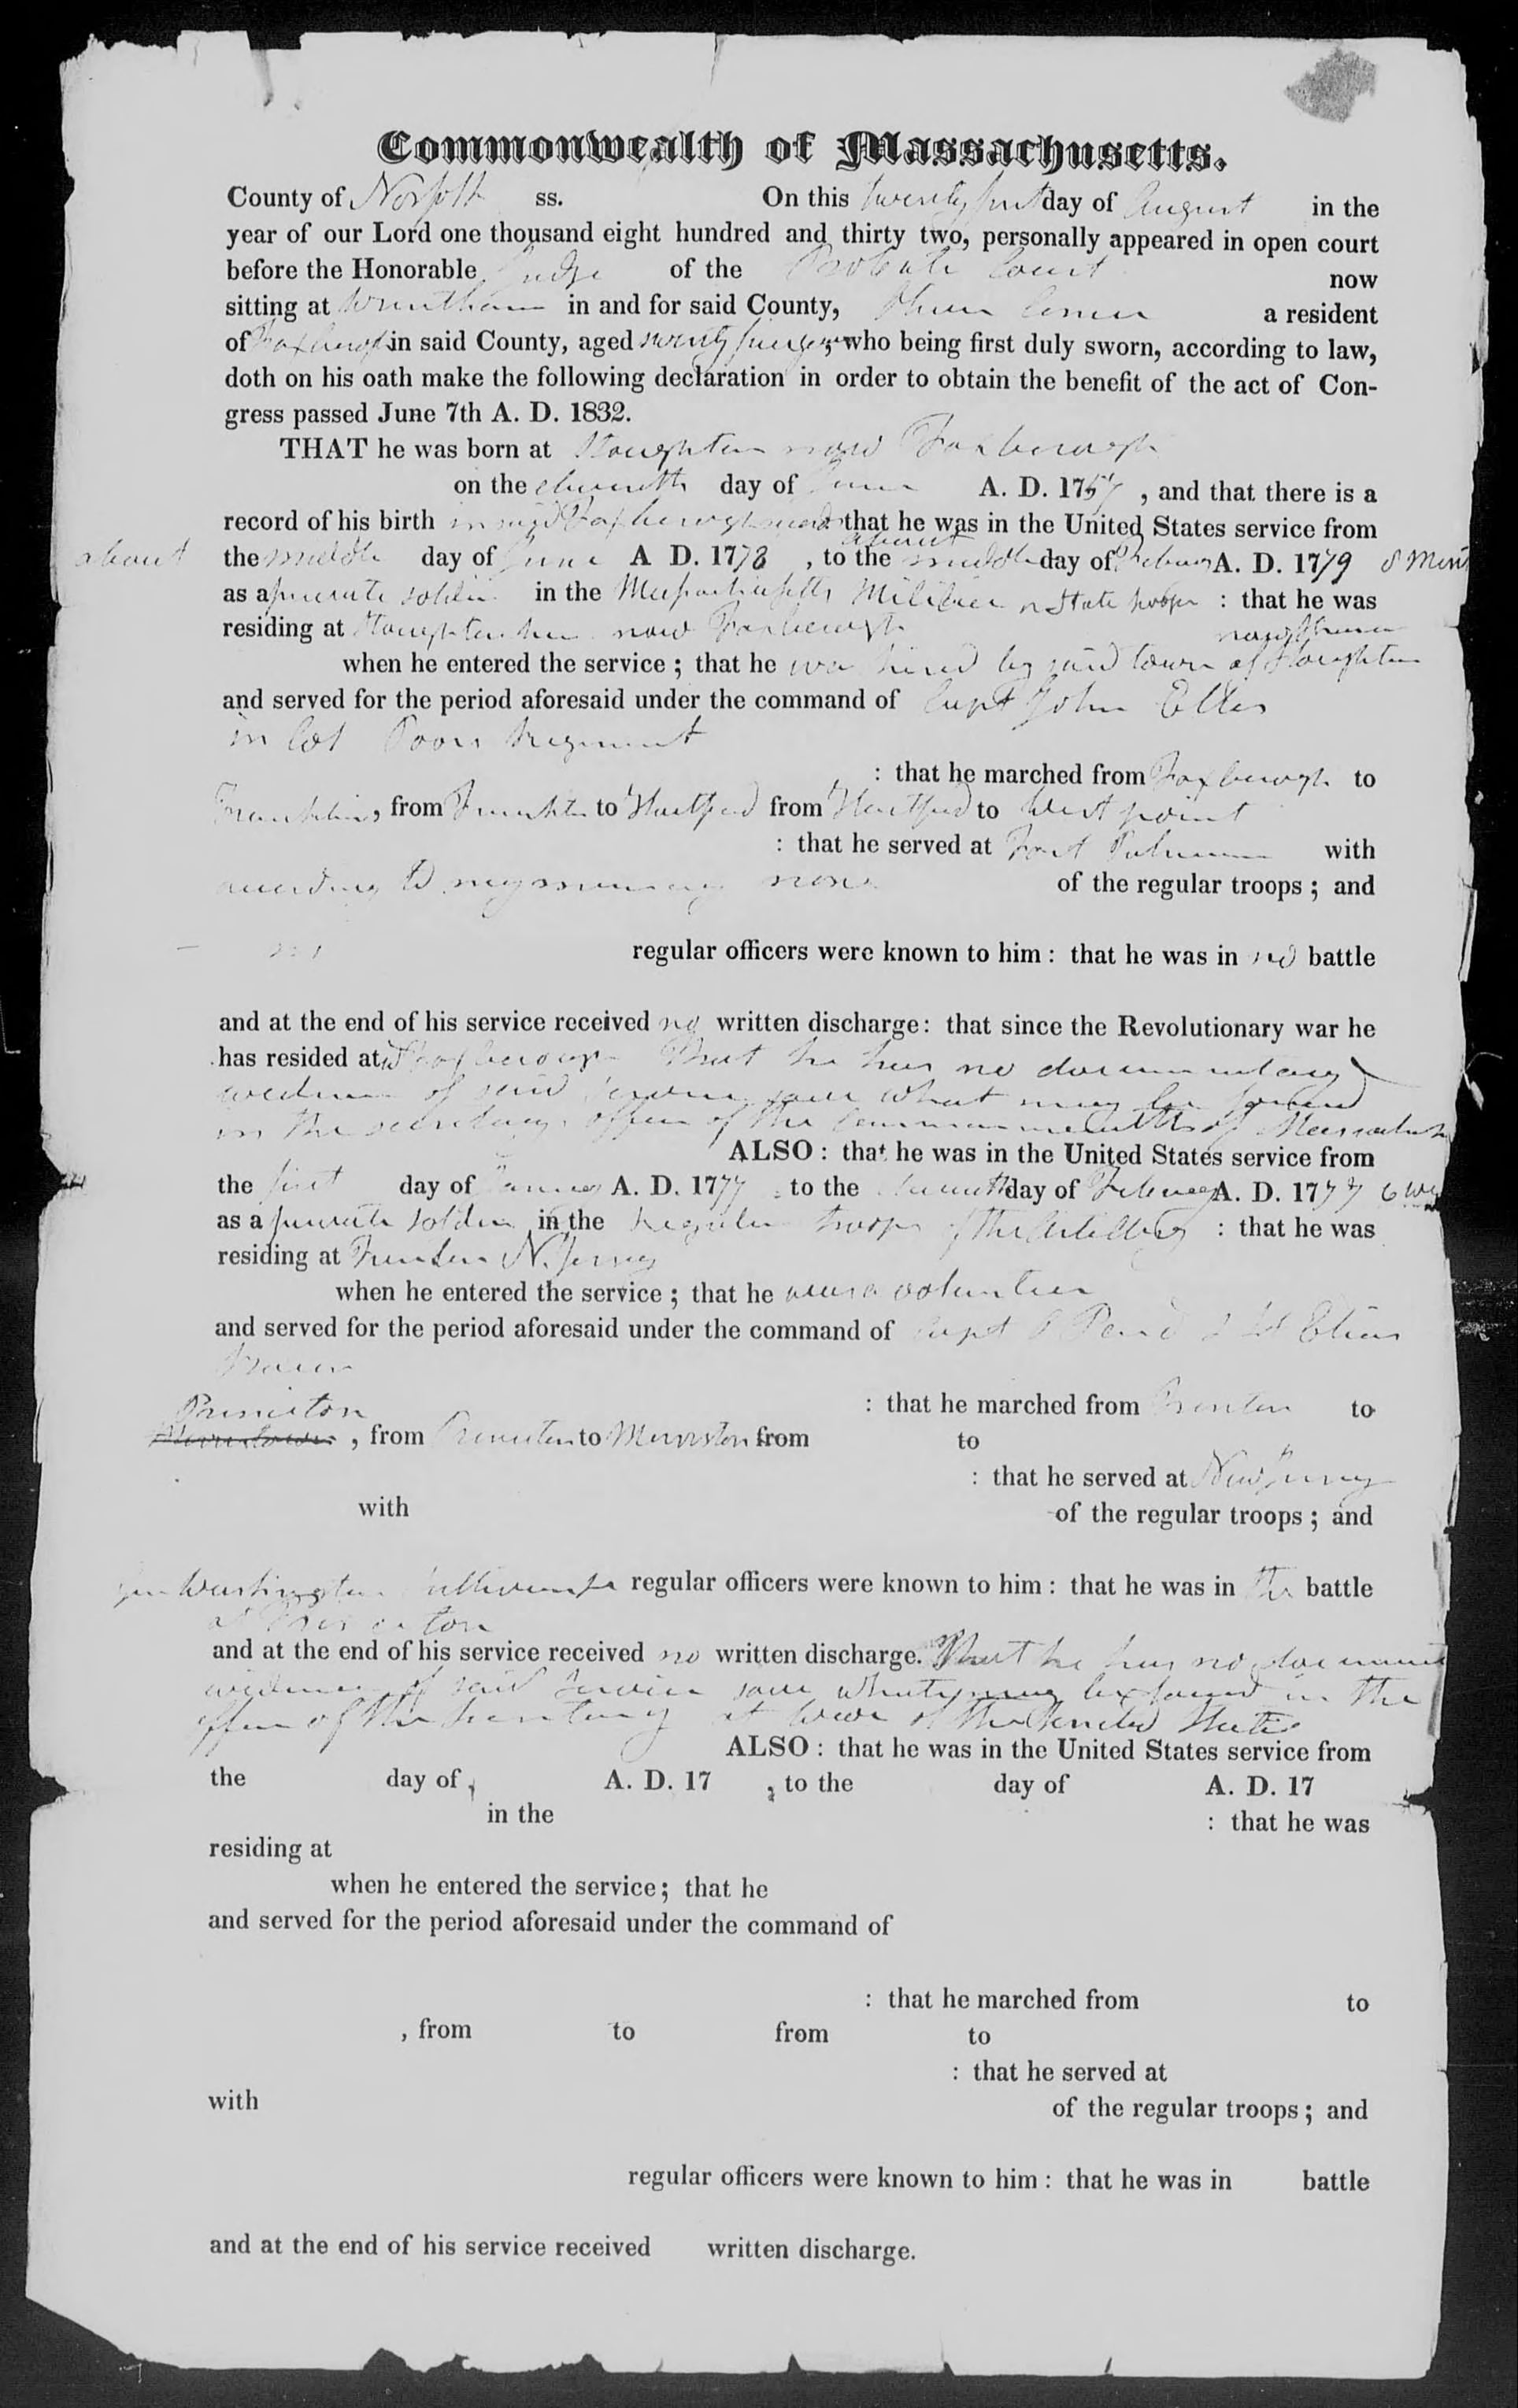Commonwealth of Massachusetts County of Norfolk. On this twenty day of August year of our Lord one thousand eight hundred and thirty two, personally appeared in open court before the Honorable judge of the Probate Court sitting at Witham in and for said County, then come NOW a resident in said County, aged twenty, who being first duly sworn, according to law, doth on his oath make the following declaration in order to obtain the benefit of the act of Congress passed June 7th A. D. 1832. THAT he was born at Staughton was born on the tenth day of A. D. 1757, and that there is a record of his birth in the right that he was in the United States service from the middle day of June A.D. 1778 to the day of Feb A. D. 1779 in as a solder in the parthel, Militia State proper: that he was residing at Tower he now part Nathan when he entered the service; that he was held by said town of Doughten and served for the period aforesaid under the command of Capt John Eller in lot Poors her of that he marched from a bough to from me to attend from there to West point to that he served at said July with 5 --- of the regular troops; and regular officers were known to him: that he was in no battle and at the end of his service received no written discharge: that since the Revolutionary war he has resided at by that he has no documentary of said in some what in in the secretary office of the law Head ALSO: that he was in the United States service from the first day of A.D. 1777 to the tenth day of Feb A. D. 1777 as a put older in the right to the tiller: that he was residing at Fense N Jersey when he entered the service; that he were other and served for the period aforesaid under the command of public a inton from ten to Morriston from that he marched from noon to to that he served at Newing with of the regular troops; and live regular officers were known to him: that he was in the battle 2 son and at the end of his service received no written discharge. That he has no in of said service some whatoning be found in the of the heritory at five of the tender White 1 ALSO: that he was in the United States service from the day of A. D. 17 to the day of A. D. 17 in the that he was residing at when he entered the service; that he and served for the period aforesaid under the command of from from that he marched from to to that he served at of the regular troops; and regular officers were known to him: that he was in and at the end of his service received written discharge. battle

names: Oliver Comee, O Pond, Elias Bacon, John Ellis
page: 5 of 45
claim: widow's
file: W. 14,567, Oliver Comee, Mass.